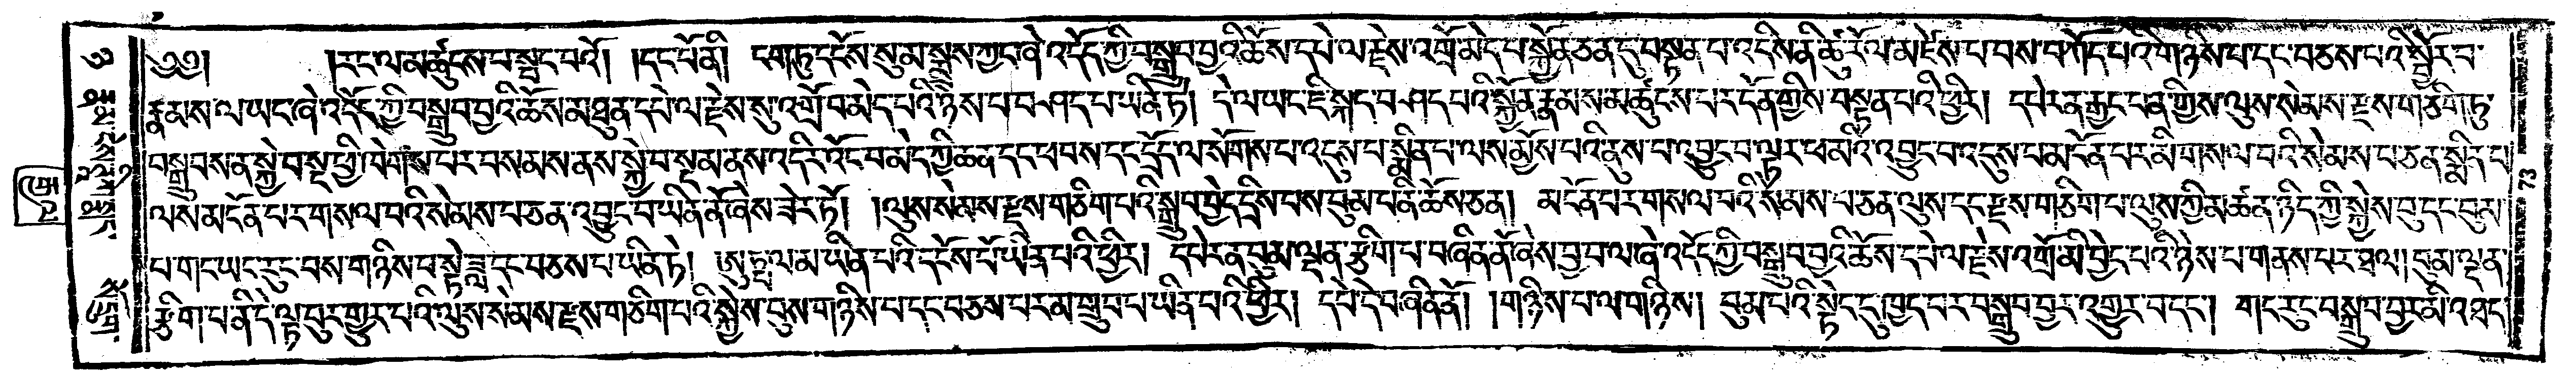༄༅། །རང་ལ་མཚུངས་པ་སྤང་བའོ། །དང་པོ་ནི། ངག་ཏུ་དངོས་སུ་མ་སྨྲས་ཀྱང་ཞེ་འདོད་ཀྱི་བསྒྲུབ་བྱའི་ཆོས་དཔེ་ལ་རྗེས་འགྲོ་མེད་པ་སྐྱོན་ཅན་དུ་བསྟན་པ་འདིས་ནི་ཚུ་རོལ་མཛེས་པ་བས་བཀོད་པའི་གཉིས་པ་དང་བཅས་པའི་སྦྱོར་བ་
རྣམས་ལ་ཡང་ཞེ་འདོད་ཀྱི་བསྒྲུབ་བྱའི་ཆོས་མཐུན་དཔེ་ལ་རྗེས་སུ་འགྲོ་བ་མེད་པའི་ཉེས་པ་བཤད་པ་ཡིན་ཏེ། དེ་ལ་ཡང་ཇི་སྐད་བཤད་པའི་སྐྱོན་རྣམས་མཚུངས་པར་དོན་གྱིས་བསྟན་པའི་ཕྱིར། དཔེར་ན་རྒྱང་པན་གྱིས་ལུས་སེམས་རྫས་གཅིག་ཏུ་
བསྒྲུབས་ན་སྐྱེ་བ་སྔ་ཕྱི་ཁེགས་པར་བསམས་ནས་སྐྱེ་བ་སྔ་མ་ནས་འདིར་འོང་བ་མེད་ཀྱི་ཆན་དང་ཕབས་དང་དྲོད་ལ་སོགས་པ་འདུས་པ་སྨིན་པ་ལས་མྱོས་པའི་ནུས་པ་འབྱུང་བ་ལྟར་ཕ་མའི་འབྱུང་བ་འདུས་པ་མངོན་པར་མི་གསལ་བའི་སེམས་བ་ཅ་སྨིན་པ་
ལས་མངོན་པར་གསལ་བའི་སེམས་པ་ཅན་འབྱུང་བ་ཡིན་ནོ་ཞེས་ཟེར་ཏོ། །ལུས་སེམས་རྫས་གཅིག་པའི་སྒྲུབ་བྱེད་དྲིས་པས་བུམ་པ་ནི་ཆོས་ཅན། མངོན་པར་གསལ་བའི་སེམས་བ་ཅན་ལུས་དང་རྫས་གཅིག་པ་ལུས་ཀྱི་མཚན་ཉིད་ཀྱི་སྐྱེས་བུ་དང་བུམ་
པ་གང་ཡང་རུང་བས་གཉིས་བ་སྟེ་ཟླ་དང་བཅས་པ་ཡིན་ཏེ། ཨུཏྤལ་མ་ཡིན་པའི་དངོས་པོ་ཡིན་པའི་ཕྱིར། དཔེར་ན་བུམ་ལྡན་རྩིག་པ་བཞིན་ནོ་ཞེས་བྱ་བ་ལ་ཞེ་འདོད་ཀྱི་བསྒྲུབ་བྱའི་ཆོས་དཔེ་ལ་རྗེས་འགྲོ་མི་བྱེད་པའི་ཉེས་པ་གནས་པར་ཐལ། བུམ་ལྡན་
རྩིག་པ་ནི་དེ་ལྟ་བུར་གྱུར་པའི་ལུས་སེམས་རྫས་གཅིག་པའི་སྐྱེས་བུས་གཉིས་པ་དང་བཅས་པར་མ་གྲུབ་པ་ཡིན་པའི་ཕྱིར། དཔེ་དེ་བཞིན་ནོ། །གཉིས་པ་ལ་གཉིས། བུམ་པའི་སྟེང་དུ་ཁྱད་པར་བསྒྲུབ་བྱར་འགྱུར་བ་དང་། གང་རུང་བསྒྲུབ་བྱར་མི་འཐད་